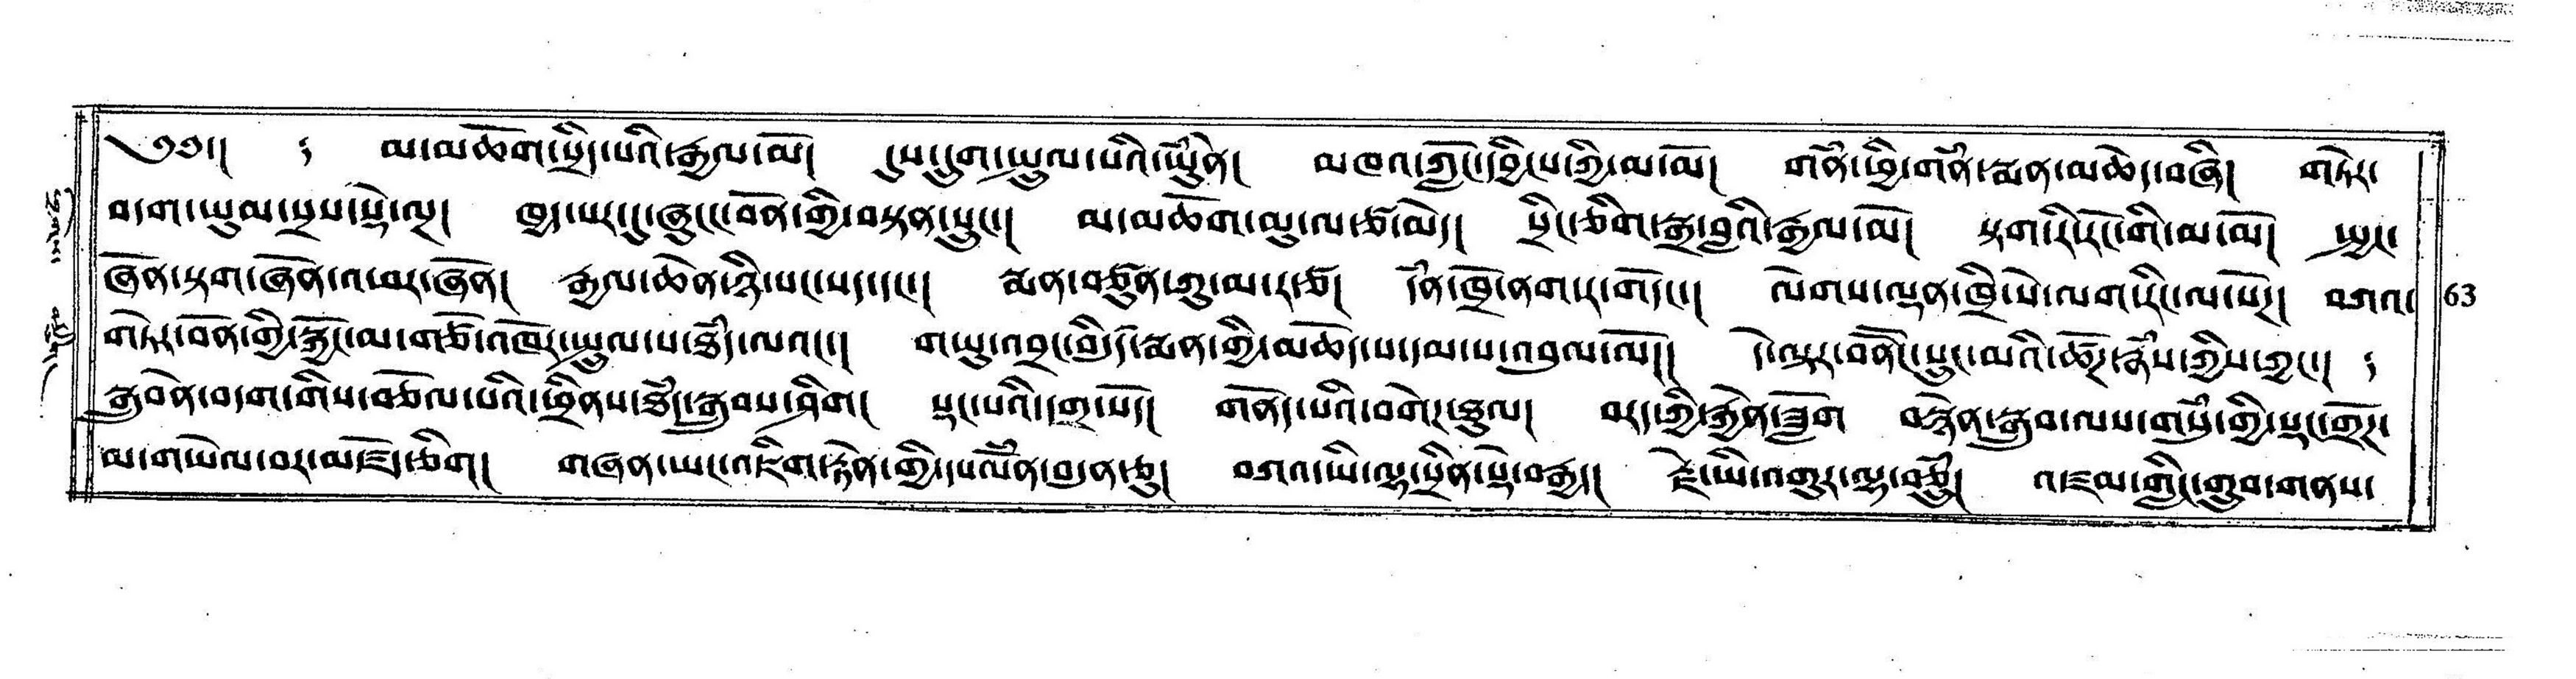མ་མཆོག་སྲིད་པའི་རྒྱལ་མོ། དུས་དྲུག་སྤྲུལ་པའི་ཡུམ་ཆེན། མཁའ་ཀློང་དབྱིངས་ཀྱི་མ་མོ། གནམ་ཕྱི་གནམ་སྨན་མཆེད་བཞི། གཏེར་
བདག་ཡུམ་སྲས་སྡེ་ལྔ། ཁྱད་པར་དུ་ཞང་ཞུང་བོན་གྱི་བསྟན་སྲུང་། མ་མཆོག་མུ་ལ་ཙ་མེད། སྲིང་ཅིག་སྒྲ་བླའི་རྒྱལ་མོ། སྟག་རི་རོང་གི་མ་མོ། སྤྱང་
ཞོན་སྟག་ཞོན་འཕར་ཞོན། རྒྱལ་ཆེན་ཉི་པང་སད་དང་། སྨན་བཙུན་ཀུ་མ་ར་ཙ། དམ་ཅན་ཁྲོ་ནག་ར་གདོང་། ལེགས་ལྡན་ཁྲི་སེ་ལག་རིང་ལ་སོགས། བཀའ་
གཏེར་བོན་གྱི་སྐྱོང་མ་གཙོ་འཁོར་སྤྲུལ་པ་ཐམས་ཅད་ལའང་། གཡུ་འབྲང་བདུད་རྩི་སྨན་གྱི་མཆོད་པ་དམ་པ་འབུལ་ལོ།། དེ་ལྟར་བོན་སྐྱོང་སྲུང་མའི་ཚོགས་རྣམས་ཀྱིས་ཀྱང་། 
སྒྲུབ་གཤེན་བདག་གིས་བཅོལ་པའི་ཕྲིན་ལས་ཐམས་ཅད་སྒྲུབས་ཤིག སྡང་པའི་དགྲ་སོད། གནོད་པའི་བགེགས་ཐུལ། བར་ཆད་ཀྱི་རྐྱེན་ཟློག བསྙེན་སྒྲུབ་ལས་གསུམ་གྱི་སྡོང་གྲོགས་
མ་གཡེལ་བར་མཛོད་ཅིག གཞན་ཡང་འཇིག་རྟེན་གྱི་དཔལ་མགོན་བདུན་ཅུ། བཀའ་ཡི་ལྷ་སྲིན་སྡེ་བརྒྱད། རྗེ་ཡི་འགུར་ལྷ་བཅུ་གསུམ། འཛམ་གླིང་གྲུབ་གནས་